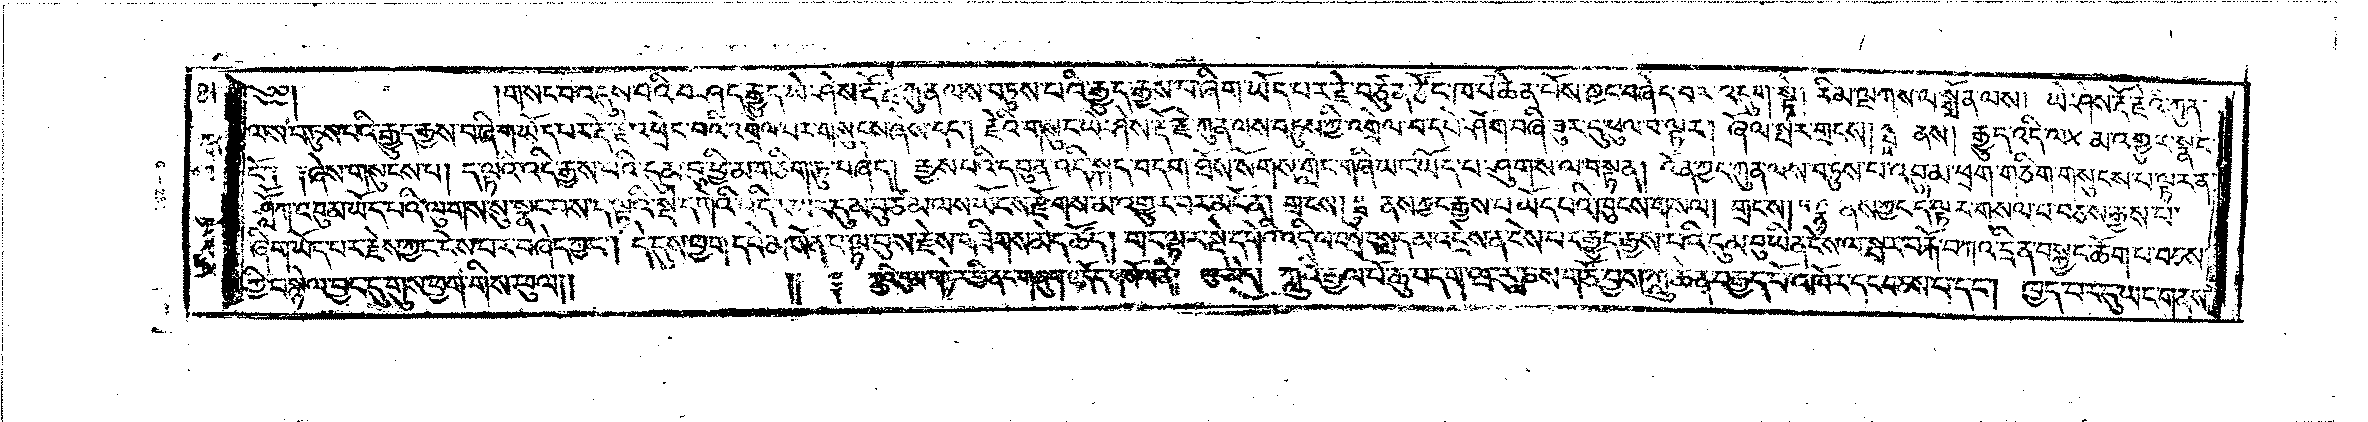༄༅། །གསང་བ་འདུས་པའི་བཤད་རྒྱུད་ཡེ་ཤེས་རྡོ་རྗེ་ཀུན་ལས་བཏུས་པའི་རྒྱུད་རྒྱས་པ་ཞིག་ཡོད་པར་རྗེ་བཙུན་ཙོང་ཁ་པ་ཆེན་པོས་ཀྱང་བཞེད་པར་འདུག་སྟེ། རིམ་ལྔགས་ལ་སྒྲོན་ལས། ཡེ་ཤེས་རྡོ་རྗེའི་ཀུན་
ལས་བཏུས་པའི་རྒྱུད་རྒྱས་བ་ཞིག་ཡོད་པར་རྡོ་རྗེ་འཕྲེང་བའི་འགྲེལ་པར་གསུངས་ཞེས་དང་། རྗེའི་གསུང་ཡེ་ཤེས་རྡོ་རྗེ་ཀུན་ལས་བཏུས་ཀྱི་འགྲེལ་བ་དཔེ་ཤོག་བཞི་ཟུར་དུ་ཕུལ་བ་ལྟར། ཞོལ་སྤར་གྲངས། ༣༥༥་ནས། རྒྱུད་འདི་ལ྾་མ་འགྱུར་སྣང་
ངོ༑ ༑ཞེས་གསུངས་པ། ད་ལྟའི་འདི་རྒྱས་པའི་དུམ་བུ་ཕྱི་མ་གཅིག་ཏུ་བཞེད། རྒྱས་པའི་བདུན་འདི་སྐད་བདག་ཐོས་སོགས་གླེང་གཞི་ཡང་ཡོད་པ་ཤུགས་ལ་བསྟན། འོན་ཀྱང་ཀུན་ལས་བཏུས་པ་འབུམ་ཕྲག་གཅིག་གསུངས་པ་ལྟར་ན་
ཤླཽཀ་འབུམ་ཡོད་པའི་ལུགས་སུ་སྣང་བས་ད་ལྟའི་སྔ་དགེའི་འདིར་ཡང་དུམ་བུ་ཙམ་ལས་ཡོངས་རྫོགས་མ་འགྱུར་བར་མངོན། གྲངས། ༥བ༡་ནས་ཀྱང་རྒྱས་པ་ཡོད་པའི་ཁུངས་གསལ། གྲངས། ༥༩ན༡་གསལ་བ་བཅས་རྒྱས་པ་
ཞིག་ཡོད་པར་རྗེས་ཀྱང་ངེས་པར་བཞེད་ཀྱང་། དེ་དུས་ཕྱག་དབེན་སོན་བ་ལྟ་བུས་རྗེས་གཟིགས་མེད་ཚོད། གང་ལྟར་སྡེ་དགེའི་འདྲི་ལ་བསྲེ་བསླད་མ་འདྲེས་བར་རྒྱུད་བའི་དུམ་བུ་ཡིན་ངེས་ལ་སྦར་བརྐོ་བཀའ་དྲིན་བསྐྱང་ཆོག་བ་བཅས་
ཀྱི་བསྙེལ་བྱང་དུ་གུས་ཕྱག་གིས་ཕུལ།། །། ༈ ཀླུའི་བུམ་གཏེར་གྱི་ནང་གཞུག་འདོད་གསོལ་ནི། ལུང་ཀླུའི་རྒྱལ་པོ་ཆུ་བདག་ཝ་རམ་ཎས་གཙོ་བྱས་ཀླུ་ཆེན་བརྒྱད་པོ་འཁོར་དང་བཅས་པ་དང་། མེད།  ཁྱད་བར་དུ་ཡང་གནས་